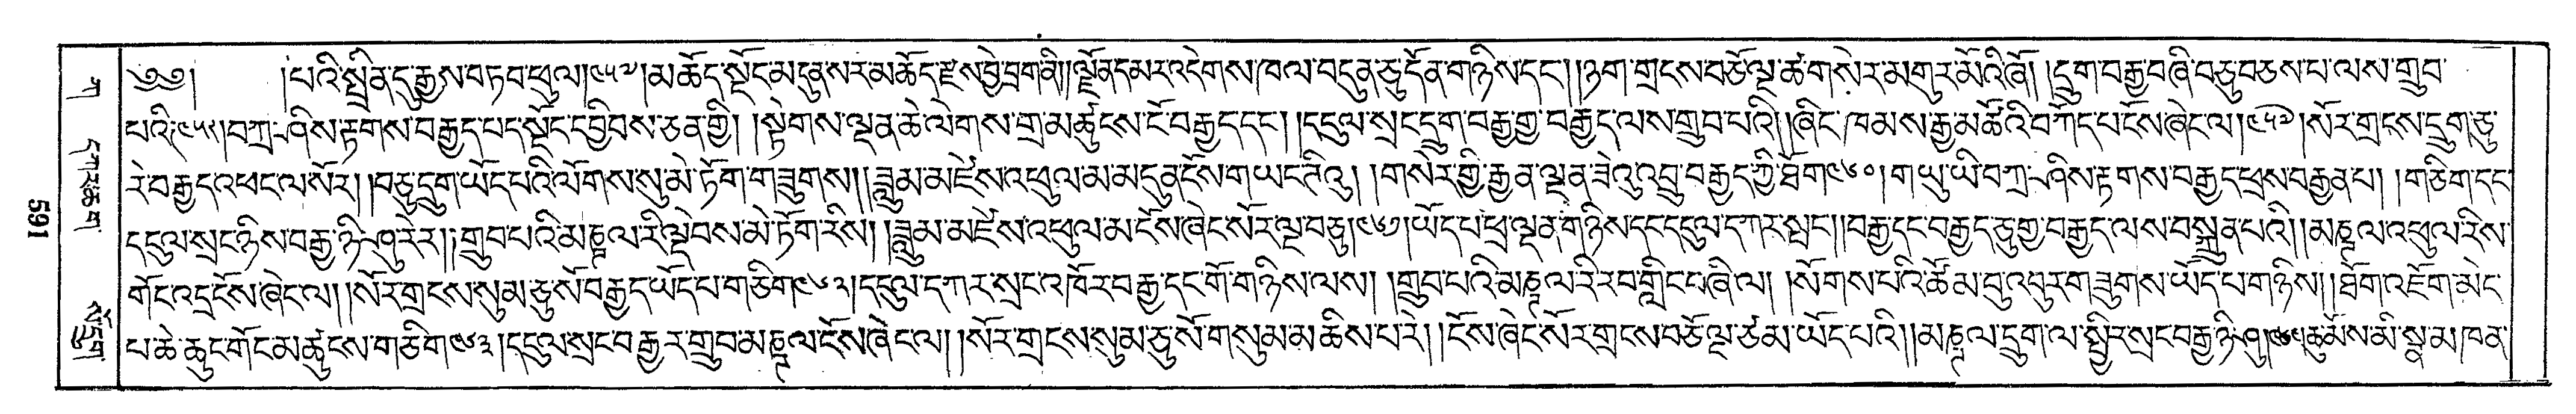༄༅། །པའི་སྤྲིན་དུ་རྒྱས་བཏབ་ཕུལ། ༤༥༧་།མཆོད་སྡོད་མདུན་སར་མཆོད་རྫས་བྱེ་བྲག་ནི། །ལྗོན་དམར་འདེགས་ཁལ་བདུན་ཅུ་དོན་གཉིས་དང་། །ཉག་གྲངས་བཅོ་ལྔ་ཚ་གསེར་མགུར་མོའི་ཞོ། །དྲུག་བརྒྱ་བཞི་བཅུ་བཅས་པ་ལས་གྲུབ་
པའི༑ ༤༥༨་།བཀྲ་ཤིས་རྟགས་བརྒྱད་པད་སྡོང་དབྱིབས་ཅན་གྱི། །སྟེགས་ལྡན་ཆེ་ལེགས་གྲ་མཚུངས་ངོ་བརྒྱད་དང་། །དངུལ་སྲང་དྲུག་བརྒྱ་གྱ་བརྒྱད་ལས་གྲུབ་པའི། །ཞིང་ཁམས་རྒྱ་མཚོའི་བཀོད་པ་དོས་ཞེང་ལ། ༤༥༧་།སོར་གྲངས་དྲུག་ཅུ་
རེ་བརྒྱད་འཕང་ལ་སོར། །བཅུ་དྲུག་ཡོད་པའི་ལོགས་སུ་མེ་ཏོག་གཟུགས། །ཟླུམ་མཛེས་འཕུལ་མ་མདུན་ངོས་གཡང་ཊིའུ། །གསེར་གྱི་རྒྱན་ལྡན་ཟེའུ་འབྲུ་བརྒྱད་ཀྱི་ཐོག ༤༦༠་།གཡུ་ཡི་བཀྲ་ཤིས་རྟགས་བརྒྱད་ཕྲས་བརྒྱན་པ། །གཅིག་དང་
དངུལ་སྲང་ཉིས་བརྒྱ་ཉི་ཤུ་རེར། །གྲུབ་པའི་མཎྜལ་རི་ལྡེབས་མེ་ཏོག་རིས། །ཟླུམ་མཛེས་འཕུལ་མ་ངོས་ཞེང་སོར་ལྔ་བཅུ། ༤༦༡་།ཡོད་པ་ཕྲ་ལྡན་གཉིས་དང་དངུལ་དཀར་སྲང་། །བརྒྱ་དང་བརྒྱད་ཅུ་གྱ་བརྒྱད་ལས་བསྐྲུན་པའི། །མཎྜལ་འཕུལ་རིས་
གོང་འདྲོངས་ཞེད་ལ། །སོར་གྲངས་སུམ་ཅུ་སོ་བརྒྱད་ཡོད་པ་གཅིག ༤༦༢་།དངུལ་དཀར་སྲང་འཁོར་བརྒྱ་དང་གོ་གཉིས་ལས། །གྲུབ་པའི་མཎྜལ་རི་རབ་གླིང་བཞི་ལ། །སོགས་པའི་ཚོམ་བུ་འབུར་གཟུགས་ཡོད་པ་གཉིས། །ཐོག་འཇོག་མེད་
པ་ཆེ་ཆུང་གོང་མཚུངས་གཅིག ༤༨༣་།དངུལ་སྲང་བརྒྱར་གྲུབ་མཎྜལ་ངོས་ཞེང་ལ། །སོར་གྲངས་སུམ་ཅུ་སོ་གསུམ་མཆིས་པ་རེ། །ངོས་ཞེང་སོར་གྲངས་བཅོ་ལྔ་ཙམ་ཡོད་པའི། །མཎྜལ་དྲུག་ལ་སྤྱིར་སྲང་བརྒྱ་ཉི་ཤུ། ༤༠༤་ཆུ་ཡོས་མི་སྣ་མཁན་